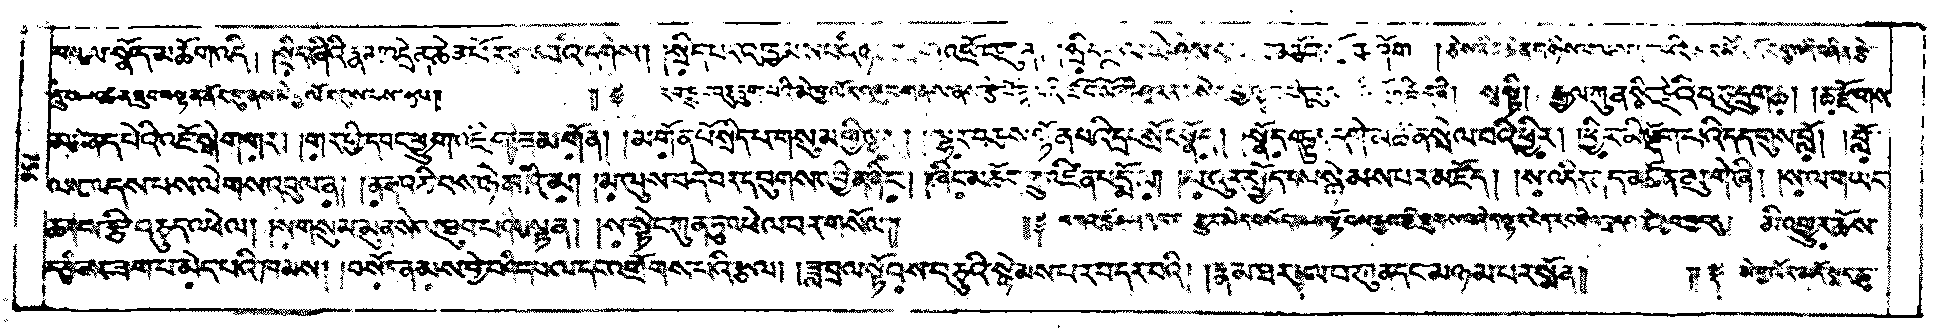གསལ་སྣོད་མཆོག་འདི། །སྲིད྾་ཞིའི་རྣམ་འདྲེན་ཆེན་པོར་ཕུལ་བའི་དགེས། །སྲིད྾་པར་འཁྱམས་པའི་ཉམ་ཐག་འགྲོ་བ་ཀུན། །སྲིད྾་བྲལ་ཡེ་ཤེས་སྣང་བ་མཆོག་ཐོབ་ཤོག །ཅེས་རིན་ཆེན་གཉིས་པ་ལས་གྲུབ་པའི་མར་མེའི་ཀོང་བུ་འདི་བཞིན་རྩེ་
དྲུང་ལས་ཚན་ཐུབ་བསྟན་ནོར་བུ་ནས་མེ་བྱ་ལོར་གུས་པས་ཕུལ།། །། ༈ རབ་བྱུང་བཅུ་དྲུག་པའི་མེ་བྱ་ལོར་གཞུང་གནས་ནས་རྩེ་པོ་ཏཱ་ལའི་ཇོ་བོ་ལོ་ཀི་ཤྭ་རར་གསེར་གྱི་ལྷུང་བཟེད་ཕུལ་བའི་སྨོན་ཚིག་ནི། སྭ་སྟི། རྒྱལ་ཀུན་སྙིང་རྗེའི་བཅུ་དྲུག་ཆ྾། །ཆ྾་རྫོགས་
མཚན་དཔེའི་འཇོ་སྒེག་གར྾། །གར྾་གྱི་དབང་ཕྱུག་འཇིག་རྟེན་མགོན྾། །མགོན྾་པོ་སྲིད་པ་གསུམ་གྱི་ལྷར྾། །ལྷར྾་བཅས་སྟོན་པའི་དྲང་སྲོང་སྣོད྾། །སྣོད྾་བཅུད་དགེ་མཚན་སྤེལ་བའི་ཕྱིར྾། །ཕྱིར྾་མི་ལྡོག་པའི་དད་གུས་བློ྾། །བློ྾་
ལས་འདས་པས་ལེགས་འབུལ་ན྾། །ན྾་རྒ་འཆི་བས་ཉེན་པའི་མ྾། །མ྾་ལུས་བདེ་བར་དབུགས་འབྱིན་ཞིང྾། །ཞིང྾་མཆོག་གྲུ་འཛིན་པདམོ་ལ྾། །ལ྾་འུར་སྤྱོད་པས་སྙེམས་པར་མཛོད། །ས྾་འདིར་ནད་མཚོན་མུ་གེ་ཞི། །ས྾་ལ་གཡང་
ཆགས་རྩི་བཅུད་འཕེལ། །ས྾་གསུམ་མུན་སེལ་ཐུབ་པའི་བསྟན། །ས྾་སྟེང་ཀུན་ཏུ་འཕེལ་བར་གསོལ།། །། ༈ བཀའ་བློན་ཤན་ཁ་བ་འགྱུར་མེད་བསོད་ནམས་སྟོབས་རྒྱས་ཀྱི་ཐུགས་བཞེད་ལྟར་ངེད་རང་གི་འདྲ་དཔར་གྱི་རྒྱབ་བྱང་དུ།  མི་འགྱུར྾་ཆོས་
དབྱིངས་ཟག་པ་མེད྾་པའི་ཁམས། །བསོད྾་ནམས྾་བྱེ་བའི་དཔལ་དང་འགྲོགས་པའི་རྩལ། །ཟླ་བྲལ་སྟོབས྾་བཅུའི་སྙེམས་པ་རབ་དར་བའི། །རྣམ་ཐར་རྒྱལ྾་བ་ཀུན་དང་མཉམ་པར་སྨོན།། །། ༈ མེ་བྱ་ལོར་མདོ་སྨད་ཆུ་